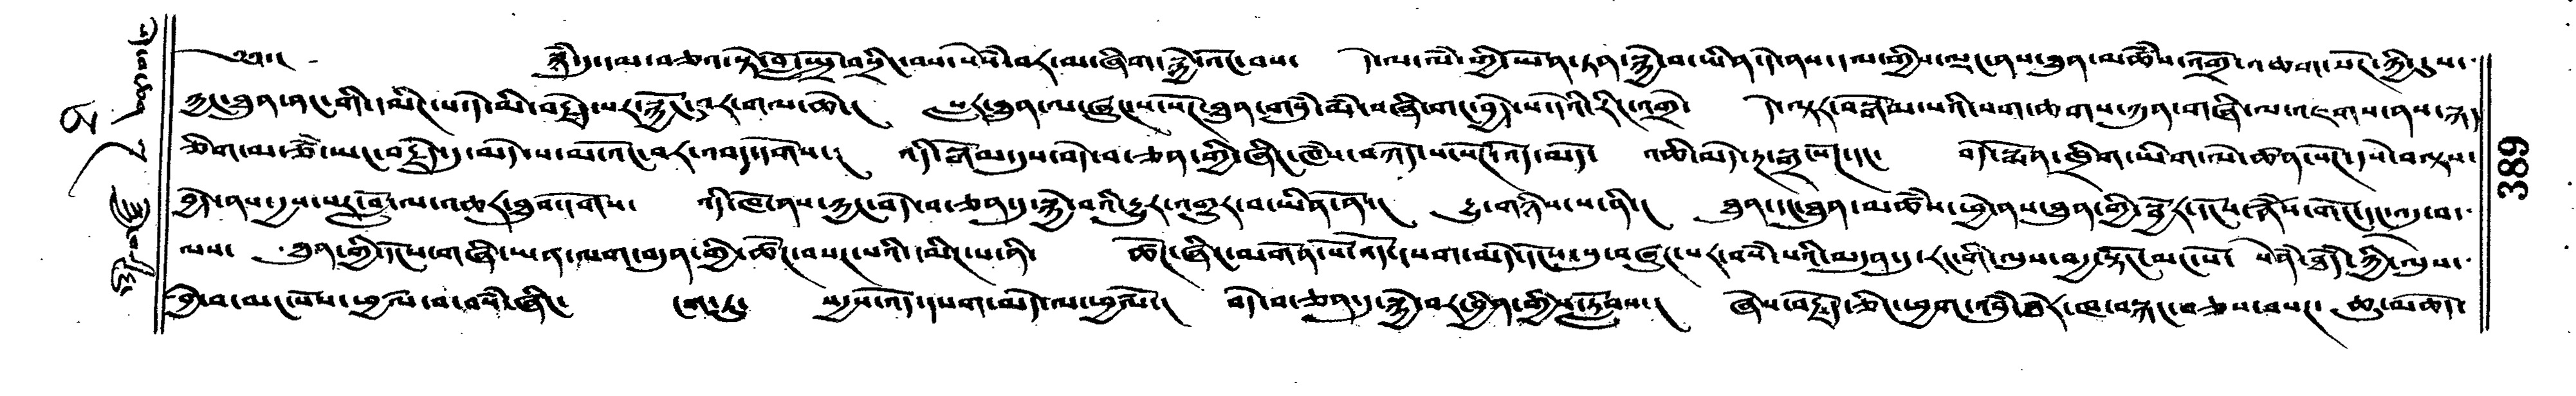སྙམ་དུ་དམ་བཅས་ཏེ་བློ་སྤྲོ་བསྲིངས་ནས་སེམས་བར་མ་ཞིག་སྐྱེ་འོང་བས་དེ་ལ་ལམ་གྱི་ཡོན་ཏན་སྐྱེ་བ་ཡིན། དེ་ནས་དལ་གྱིས་ལྡང་ནས་ཐུན་མཚམས་འགྲོ་འཆག་སོགས་ཀྱི་དུས་
ཀྱང་ཐུན་ནང་གི་དམིགས་པ་དེ་མི་བརྗེད་པར་སྐྱོང་བ་གལ་ཆེ། སླར་ཐུན་ལ་ཞུགས་པ་སོགས་ཐུན་གསུམ་མམ་བཞི་གང་བྱེད་པ་དེས་རིགས་འགྲེ། དེ་ལྟར་བསྒོམས་པས་བག་ཆགས་ཀུན་གཞི་ལ་འཇགས་ནས་སྐད་
ཅིག་མ་ཙམ་ཡང་བརྗེད་དུ་མེད་པ་མ་འོང་གི་བར་འབད་དགོས།འདི་སྒོམ་དུས་བདེ་བ་ཅན་གྱི་ཞིང་ཁམས་བཀོད་པ་སོགས་འོད་མདོ། འཆི་མེད་རྔ་སྒྲ་སོགས་དང་། བདེ་སྨོན་ཁྲིད་ཡིག་ལེ་ཚན་སོགས་དཔེ་བལྟས་
བྱས་ནས་རྒྱས་པར་བློ་ལ་འཆར་ཐུབ་དགོས། འདི་ཁོ་ནས་ཀྱང་བདེ་བ་ཅན་དུ་སྐྱེ་བའི་རྒྱུར་འགྱུར་བ་ཡིན་ནོ། རྒྱུ་གཉིས་པ་ནི། ཐུན་དང་ཐུན་མཚམས་ཕྱེ་ནས་ཐུན་གྱི་སྦྱོར་དངོས་རྣམས་གོང་དང་འདྲ་བ་
ལས། ཐུན་གྱི་དངོས་གཞི་ཡན་ལག་བདུན་གྱི་ཚོགས་གསོག་པའི་དམིགས་པ་ནི། ཚོགས་ཞིང་མགོན་པོ་འོད་དཔག་མེད་དངོས་སུ་བཞུགས་པར་བསམ་པའི་མདུན་དུ་རང་གི་ལུས་བརྒྱ་སྟོང་མང་པོ་དང་། སེམས་ཅན་ཐམས་ཅད་ཀྱི་ལུས་
བྱེ་བ་མང་པོས་ཕྱག་འཚལ་བར་བསམ་ཞིང་། ངག་ཏུ་སངས་རྒྱས་འོད་དཔག་མེད་ལ་ཕྱག་འཚལ་ལོ། བདེ་བ་ཅན་དུ་སྐྱེ་བར་བྱིན་གྱི་རློབས། ཞེས་བརྗོད་ཅིང་ཕྱག་འབུམ་ཐེར་ཁ་སྐོང་བཅས་བསག ཆུ་མཆོད།